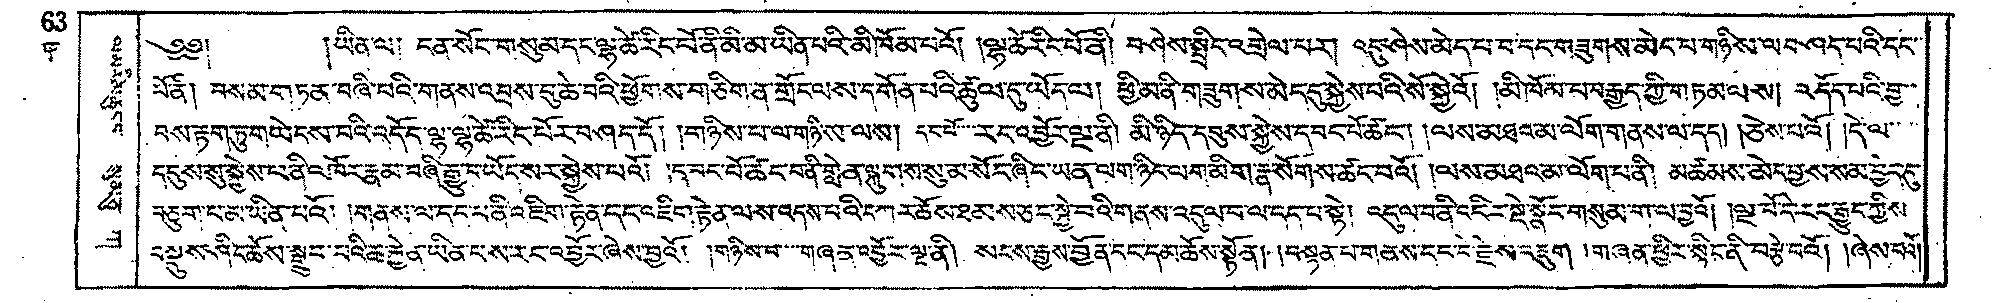༄༅། །ཡིན་ལ། ངན་སོང་གསུམ་དང་ལྷ་ཚེ་ཏིང་པོ་ནི་མི་མ་ཡིན་པའི་མི་ཁོམ་པའོ། །ལྷ་ཚེ་རིང་པོ་ནི། བཤེས་སྤྲིང་འགྲེལ་པར། འདུས་ཧེས་མེད་པ་བ་དང་གཟུགས་མེད་པ་གཉིས་ལ་བཤད་པའི་དང་
པོ་ནི། བསམ་གཏན་བཞི་པའི་གནས་འབྲས་བུ་ཆེ་བའི་ཕྱོགས་གཅིག་ན་གྲོང་ལས་དགོན་པའི་ཚུལ་དུ་ཡོད་ལ། ཕྱི་མ་ནི་གཟུགས་མེད་དུ་སྐྱེས་པའི་སོ་སྐྱེའོ། །མི་ཁོམ་པ་བརྒྱད་ཀྱི་གཏམ་ལས། འདོད་པའི་བྱ་
བས་རྟག་ཏུ་གཡེངས་པའི་འདོད་ལྷ་ལྷ་ཚེ་རིང་པོར་བཤད་དོ། །གཉིས་པ་ལ་གཉིས་ལས། དང་པོརང་འབྱོར་ལྔ་ནི། མི་ཉིད་དབུས་སྐྱེས་དབང་པོ་ཚང་། །ལས་མཐའ་མ་ལོག་གནས་ལ་དད། །ཅེས་པའོ། །དེ་ལ་
དབུས་སུ་སྐྱེས་པ་ནི་འཁོར་རྣམ་བཞི་རྒྱུ་བ་ཡོད་སར་སྐྱེས་པའོ། །དབང་པོ་ཚང་བ་ནི་གླེན་ལྐུགས་སུ་མ་སོང་ཞིང་ཡན་ལག་ཉིད་ལག་མིག་རྣ་སོགས་ཚང་བའོ། །ལས་མཐའ་མ་ལོག་པ་ནི། མཚམས་མེད་བྱས་སམ་བྱེད་དུ་
བཅུག་པ་མ་ཡིན་པའོ། །གནས་ལ་དད་པ་ནི་འཇིག་རྟེན་དང་འདས་པའི་དཀར་ཆོས་ཐམས་ཅད་སྐྱེ་བའི་གནས་འདུལ་བ་ལ་དད་པ་སྟེ། འདུལ་བ་ནི་འདིར་སྡེ་སྣོད་གསུམ་ག་ལ་བྱའོ། །ལྔ་པོ་དེ་རང་རྒྱུད་ཀྱིས་
བསྡུས་ཤིང་ཆོས་སྒྲུབ་པའི་ཆ་རྐྱེན་ཡིན་པས་རང་འབྱོར་ཞེས་བྱའོ། ། གཉིས་པགཞན་འབྱོར་ལྔ་ནི། སངས་རྒྱས་བྱོན་དང་དམ་ཆོས་སྟོན། །བསྟན་པ་གནས་དང་དེ་རྗེས་འཇུག །གཞན་ཕྱིར་སྙིང་ནི་བརྩེ་བའོ། །ཞེས་པའོ། །